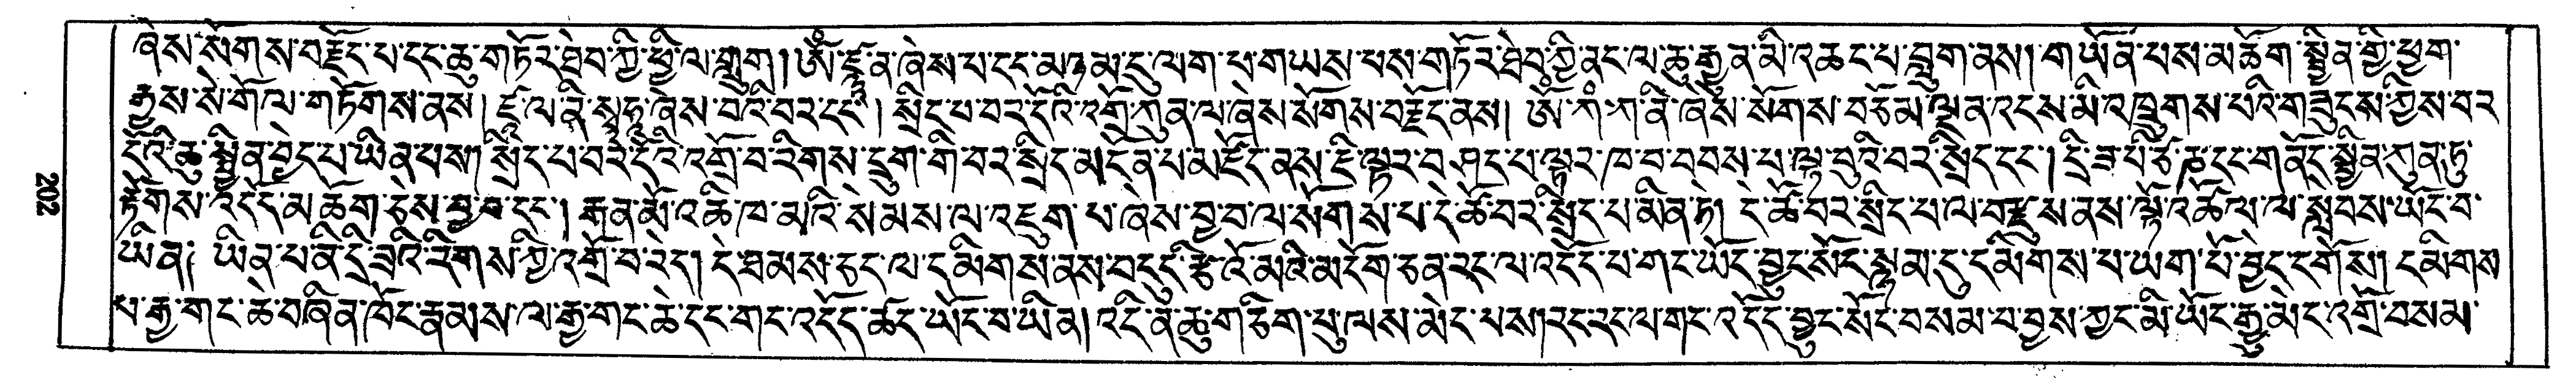ཞེས་སོགས་བརྗོད་བ་ངང་ཆུ་གཏོར་ཐེབ་ཀྱི་ཕྱི་ལ་བླུག །ཨོཾ་ཛྙཱ་ན་ཞེས་པ་དང་མཉམ་དུ་ལག་པ་གཡས་པས་གཏོར་ཐེབ་ཀྱི་ནང་ལ་ཆུ་རྒྱུན་མི་འཆད་པ་བླུག་ནས། གཡོན་པས་མཆོག་སྦྱིན་གྱི་ཕྱག་
རྒྱས་སེ་གོལ་གཏོགས་ནས། ཛཱ་ལ་ནི་སྭཱཧཱ་ཞེས་པའི་བར་དང་། སྲིད་པ་བར་དོའི་འགྲོ་ཀུན་ལ་ཞེས་སོགས་བརྗོད་ནས། ཨོཾ་ཀཾ་ཀ་ནི་ཞེས་སོགས་བཅོམ་ལྡན་འདས་མི་འཁྲུགས་པའི་གཟུངས་ཀྱིས་བར་
དོའི་ཆུ་སྦྱིན་བྱེད་པ་ཡིན་པས། སྲིད་པ་བར་དོའི་འགྲོ་བ་རིགས་དྲུག་གི་བར་སྲིད་མངོན་པ་མཛོད་ནས་ཇི་ལྟར་བཤད་པ་ལྟར་ཁ་བ་བབས་པ་ལྟ་བུའི་བར་སྲིད་དང་། དྲི་ཟ་པི་ཙ་ཎ་དང་སྣོད་སྦྱིན་ཀུན་ཏུ་
རྟོགས་འདོད་མཆོག་ཅེས་བྱ་བ་དང་། རྒན་མོ་འཆི་ཁ་མའི་སེམས་ལ་འཇུག་པ་ཞེས་བྱ་བ་ལ་སོགས་པ་དེ་ཚོ་བར་སྲིད་པ་མིན་ཏེ། དེ་ཚོ་བར་སྲིད་པ་ལ་བརྫུས་ནས་ལྟོ་འཚོལ་ལ་སླེབས་ཡོང་བ་
ཡིན༑ ཡིན་པ་ནི་དྲི་ཟའི་རིགས་ཀྱི་འགྲོ་བ་རེད། དེ་ཐམས་ཅད་ལ་དམིགས་ནས་བདུད་རྩི་འོ་མའི་མདོག་ཅན་རང་ལ་འདོད་པ་གང་ཡོད་བྱུང་སོང་སྙམ་དུ་དམིགས་པ་ཡག་པོ་བྱེད་དགོས། དམིགས་
པ་རྒྱ་གང་ཆེ་བཞིན་ཁོང་རྣམས་ལ་རྒྱ་གང་ཆེ་དང་གང་འདོད་ཚད་ཡོང་བ་ཡིན། འདི་ན་ཆུ་གཅིག་པུ་ལས་མེད་པས། རང་རང་ལ་གང་འདོད་བྱུང་སོང་བསམ་པ་བྱས་ཀྱང་མི་ཡོང་རྒྱུ་མེད་འགྲོ་བསམ་